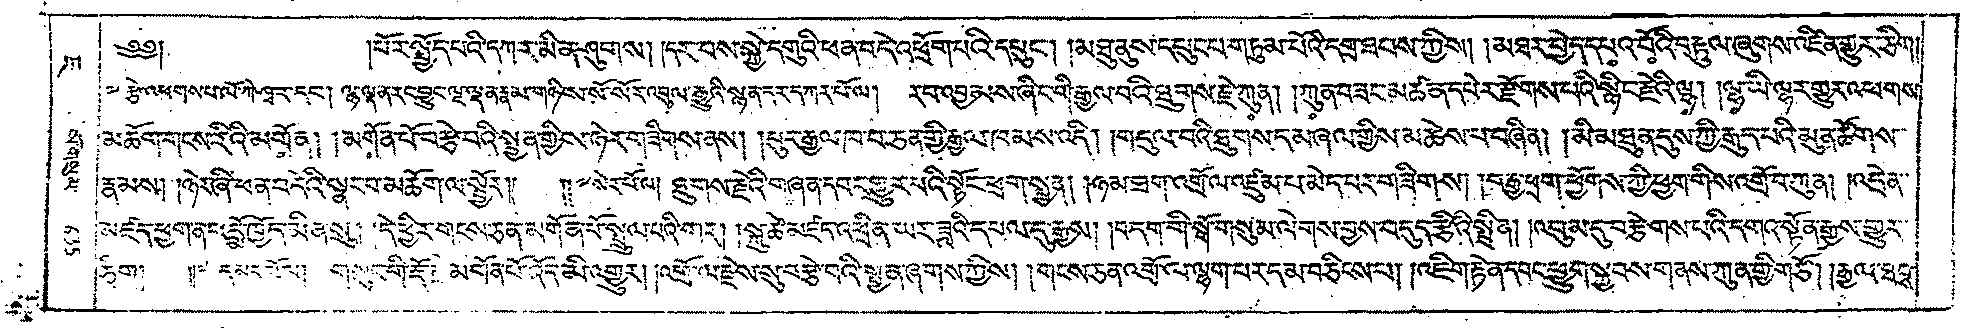༄༅། །པོར་སྤྱོད་པའི་དཀར་མིན་ཤུགས། །དར་བས་སྐྱེ་དགུའི་ཕན་བདེ་འཕྲོག་པའི་དཔུང་། །མཐུ་ནུས་དཔུང་པ་གཏུམ་པོའི་དགྲ་ཐབས་ཀྱིས། །མཐར་བྱེད་དཔའ྾་བོའི྾་བརྟུལ་ཞུགས་འཛིན་གྱུར་ཅིག །
༧རྩེ་འཕགས་པ་ལོ་ཀེ་ཤྭ་ར་དང་། ལྷ་ལྡན་རང་བྱུང་ལྔ་ལྡན་རྣམ་གཉིས་སོ་སོར་འབུལ་རྒྱུའི་སྙན་དར་དཀར་པོ་ལ།  རབ་འབྱམས་ཞིང་གི་རྒྱལ་བའི་ཐུགས་རྗེ་ཀུན྾། །ཀུན྾་བཟང་མཚན་དཔེར་རྫོགས་པའི་སྙིང་རྗེའི་ལྷ྾། །ལྷ྾་ཡི་ལྷར་གྱུར་འཕགས་
མཆོག་གངས་རིའི་མགོན྾། །མགོན྾་པོ་བརྩེ་བའི་སྤྱན་གྱིས་ཉེར་གཟིགས་ནས། །པུར་རྒྱལ་ཁ་པ་ཅན་གྱི་རྒྱལ་ཁམས་འདི། །གདུལ་བའི་ཐུགས་དམ་ཞལ་གྱིས་མཆེས་པ་བཞིན། །མི་མཐུན་དུས་ཀྱི་རྒུད་པའི་མུན་ཚོགས་
རྣམས། །ཉེར་ཞི་ཕན་བདེའི་སྣང་བ་མཆོག་ལ་སྦྱོར།། །།༧སེར་པོ་ལ།  ཐུགས་རྗེའི་གཞན་དབང་གྱུར་པའི་སྟོང་ཕྲག་སྤྱན། །ཉམ་ཐག་འགྲོ་ལ་འཛུམ་པ་མེད་པར་གཟིགས། །བརྒྱ་ཕྲག་ཕྱོགས་ཀྱི་ཕྱག་གིས་འགྲོ་བ་ཀུན། །འདྲེན་
མཛད་ཕྱག་ན་པདམོ་ཁྱོད་མིན་སུ། །དེ་ཕྱིར་གངས་ཅན་མགོན་པོ་སྤྲུལ་པའི་གར། །སྐུ་ཚེ་མཛད་འཕྲིན་ཡར་ཟླའི་དཔལ་དུ་རྒྱས། །བདག་གི་སྒོ་གསུམ་ལེགས་བྱས་བདུད་རྩིའི་སྤྲིན། །འབུམ་དུ་བརྩེགས་པའི་དགའ་སྟོན་རྒྱས་གྱུར་
ཅིག ། །།༧དམར་པོ་ལ།  གསུང་གི་རྡོ་རྗེ་མགོན་པོ་འོད་མི་འགྱུར། །འགྲོ་ལ་རྗེས་སུ་བརྩེ་བའི་སྤྱན་ཞགས་ཀྱིས། །གངས་ཅན་འགྲོ་ལ་ལྷག་པར་དམ་བཅིངས་པ། །འཇིག་རྟེན་དབང་ཕྱུག་སྐྱབས་གནས་ཀུན་གྱི་གཙོ། །རྒྱལ་ཐབས་